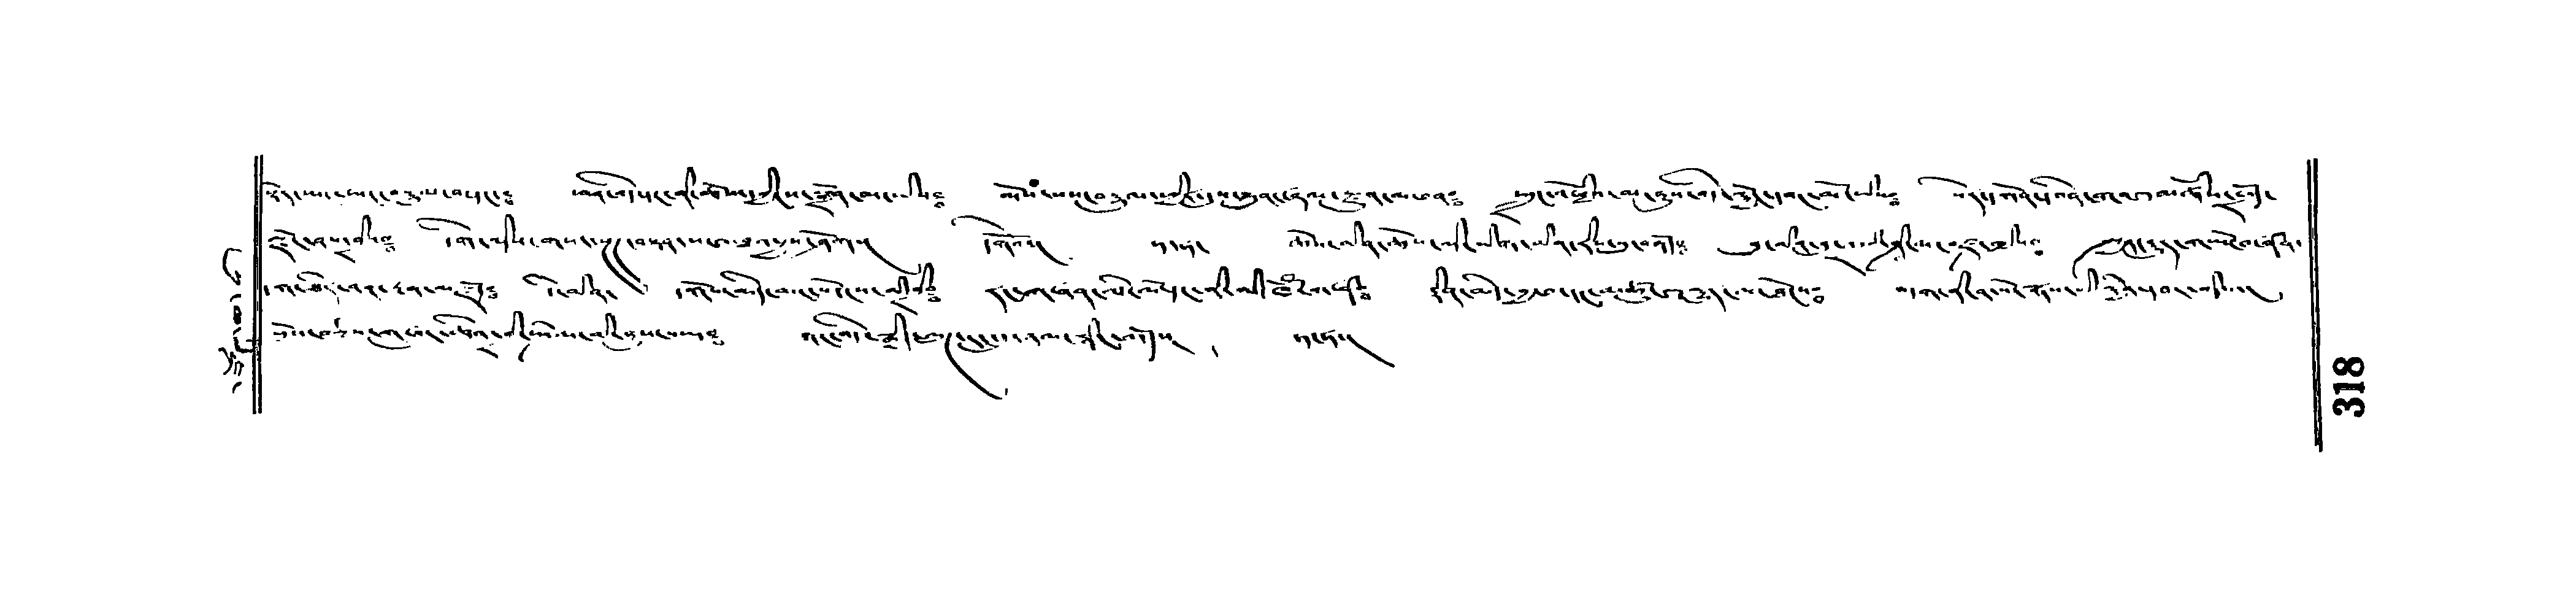སྟེར་ཡང་ཡང་བསྐུལ་བ་དང༔ ཕན་བདེ་དང་ནི་ཆོས་དབྱིངས་སྒྲོན་མ་ཡིས༔ མོས་པས་བསྐུལ་ཕྱིར་དུས་ཀུན་ཞལ་རྫུན་མཁན༔ སྤྲང་འཁྱམས་མ་ནུས་བདེ་སྐྱོང་དབང་མོ་ཡིས༔ སེར་དགོན་དབེན་གནས་མཚམས་ཕྲོད་
ལྗོངས་ནས་བྲིས༔ དགེ་འདིས་གསང་སྔགས་བསྟན་པ་མཐའ་རྒྱས་ཤོག༔ ཧ་ཧ༔ ཆོས་མིན་ཆོས་འདི་ཡིག་མིན་རིས་སུ་བཀོད། །བུ་མིན་བུ་འདྲའི་ཤཱི་ལ་བཛྲ་གྱིས། །སྤྱན་ཟུར་གཡོ་བཞིན་
དག་ཐེར་ནན་ཏན་མཛོད། དེ་མིན་དགོས་མེད་མང་པོ་ངས་མི་བྲི། །རང་གཞན་ལེ་ལོ་དང་ནི་མི་ཁོམ་གཞི། །ཟིན་མེད་བྱ་བ་དང་མཚུངས་སྐྱུར་ལ་ཐོངས། །བདག་ནི་ན་སོ་རྒས་པའི་རྐྱེན་དབང་གིས། །
སྤྲོས་བཅས་གཞུང་ཆེན་བྲི་སྤེལ་མི་ནུས་པས། །གང་བདེ་སྒྱིད་ལུགས་རང་དུ་ཉལ་སྙིང་འདོད། ཧ་ཧ། དགེའོ།།